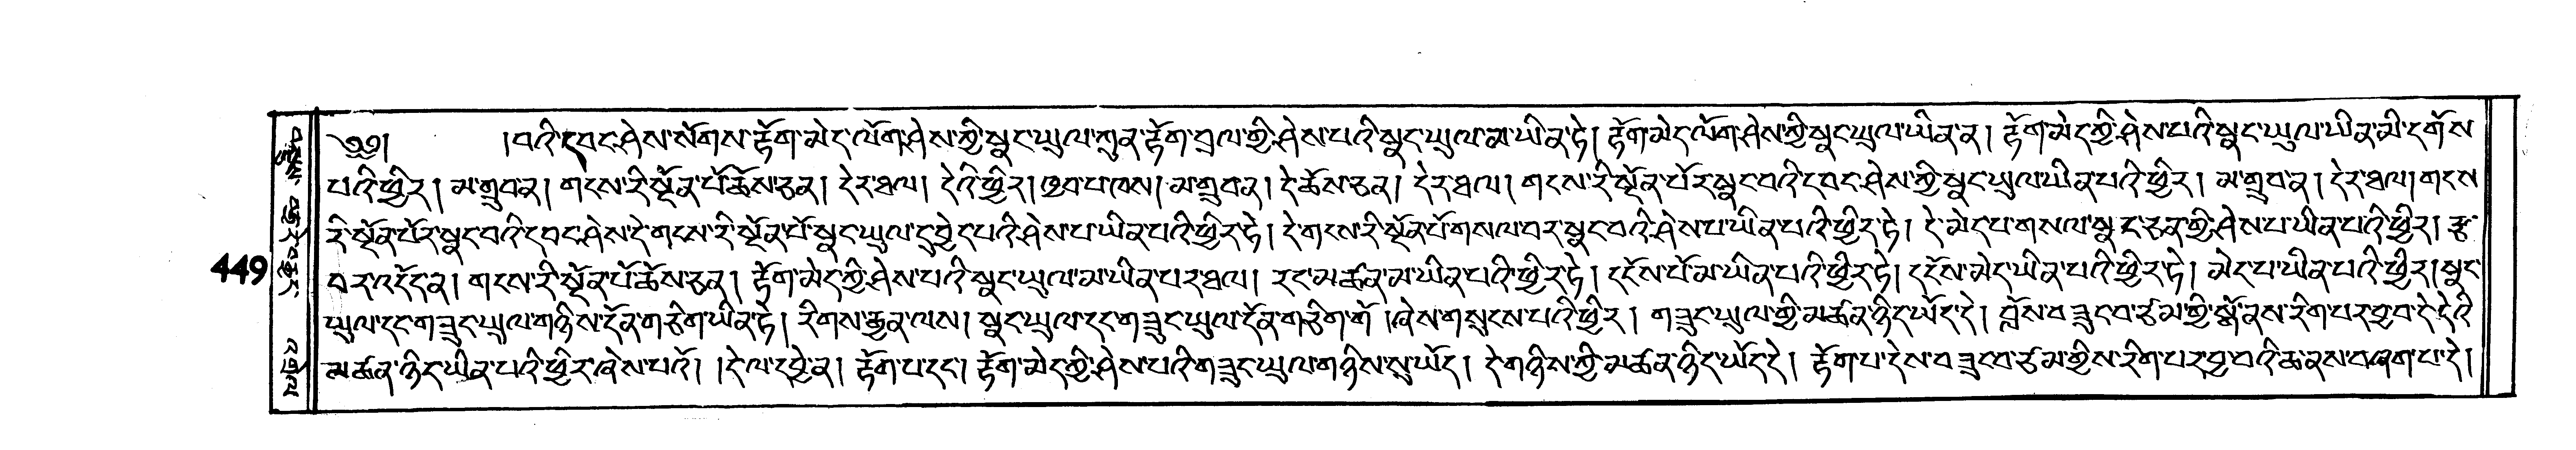༄༅། །བའི་དབང་ཤེས་སོགས་རྟོག་མེད་ལོག་ཤེས་ཀྱི་སྣང་ཡུལ་ཀུན་རྟོག་བྲལ་གྱི་ཤེས་པའི་སྣང་ཡུལ་མ་ཡིན་ཏེ། རྟོག་མེད་ལོག་ཤེས་ཀྱི་སྣང་ཡུལ་ཡིན་ན། རྟོག་མེད་ཀྱི་ཤེས་པའི་སྣང་ཡུལ་ཡིན་མི་དགོས་
པའི་ཕྱིར། མ་གྲུབ་ན། གངས་རི་སྔོན་པོ་ཆོས་ཅན། དེར་ཐལ། དེའི་ཕྱིར། ཁྱབ་པ་ཁས། མ་གྲུབ་ན། དེ་ཆོས་ཅན། དེར་ཐལ། གང་རི་སྔོན་པོ་སྣང་བའི་དབང་ཤེས་ཀྱི་སྣང་ཡུལ་ཡིན་པའི་ཕྱིར། དེར་ཐལ། གངས་
རི་སྔོན་པོར་སྣང་བའི་དབང་ཤེས་དེ་གང་རི་སྔོན་པོ་སྣང་ཡུལ་དུ་བྱེད་པའི་ཤེས་པ་ཡིན་པའི་ཕྱིར་ཏེ། དེ་གངས་རི་སྔོན་པོ་གསལ་བར་སྣང་བའི་ཤེས་པ་ཡིན་པའི་ཕྱིར་ཏེ། དེ་མེད་པ་གསལ་སྣང་ཅན་གྱི་ཤེས་པ་ཡིན་པའི་ཕྱིར། རྩ་
བར་འདོད་ན། གངས་རི་སྔོན་པོ་ཆོས་ཅན། རྟོག་མེད་ཀྱི་ཤེས་པའི་སྣང་ཡུལ་མ་ཡིན་པར་ཐལ། །རང་མཚན་མ་ཡིན་པའི་ཕྱིར་ཏེ། དངོས་པོ་མ་ཡིན་པའི་ཕྱིར་ཏེ། དངོས་མེད་ཡིན་པའི་ཕྱིར་ཏེ། མེད་པ་ཡིན་པའི་ཕྱིར། སྣང་
ཡུལ་དང་གཟུང་ཡུལ་གཉིས་དོན་གཅིག་ཡིན་ཏེ། རིགས་རྒྱན་ལས། སྣང་ཡུལ་དང་གཟུང་ཡུལ་དོན་གཅིག་གོ །ཞེས་གསུངས་པའི་ཕྱིར། གཟུང་ཡུལ་གྱི་མཚན་ཉིད་ཡོད་དེ། བློས་བཟང་བ་ཙམ་གྱི་སྒོ་ནས་རིག་པར་བྱ་བ་དེ་དེའི་
མཚན་ཉིད་ཡིན་པའི་ཕྱིར་ཞེས་པའོ། །དེ་ལ་དབྱེ་ན། རྟོག་པ་དང་། རྟོག་མེད་ཀྱི་ཤེས་པའི་གཟུང་ཡུལ་གཉིས་སུ་ཡོད། དེ་གཉིས་ཀྱི་མཚན་ཉིད་ཡོད་དེ། རྟོག་པ་དེས་བཟུང་བ་ཙམ་གྱིས་རིག་པར་བྱ་བའི་ཆ་ནས་བཞག་པ་དེ།